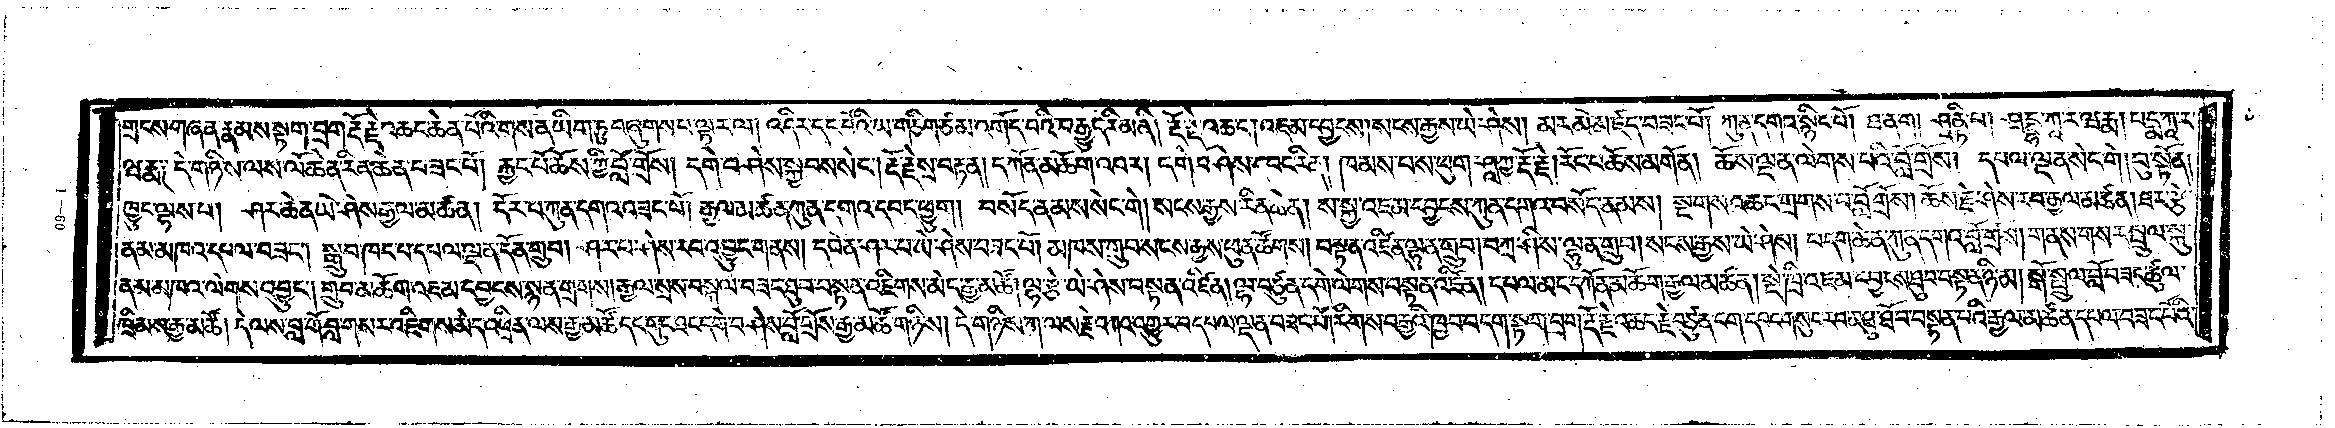གྲངས་གཞན་རྣམས་སྟག་བྲག་རྡོ་རྗེ་འཆང་ཆེན་པོའི་གསང་ཡིག་ཏུ་བཞུགས་པ་ལྟར་ལ། འདིར་དང་པོའི་ཡ་གཅིག་ཙམ་འགོད་པའི་བརྒྱུད་རིམ་ནི། རྡོ་རྗེ་འཆང་། འཇམ་དབྱངས། སངས་རྒྱས་ཡེ་ཤེས། མར་མེ་མཛད་བཟང་པོ། ཀུན་དགའ་སྙིང་པོ། ཐ་ནག། ཤཱནྟི་པ། ཤྲདྡྷ་ཀཱ་ར་ཝརྨ། པདམ་ཀཱ་ར་
ཝརྨ༑ དེ་གཉིས་ལས་ལོ་ཆེན་རིན་ཆེན་བཟང་པོ། རྐྱང་པོ་ཆོས་ཀྱི་བློ་གྲོས། དགེ་བཤེས་སྐྱབས་སེང་། རྡོ་རྗེ་སྲ་བརྟན། དཀོན་མཆོག་འབར། དགེ་བཤེས་དབང་རིན། ཁམས་པ་ས་ཕུག་ཤཱཀྱ་རྡོ་རྗེ། རོང་པ་ཆོས་མགོན། ཆོས་ལྡན་ལེགས། པའི་བློ་གྲོས། དཔལ་ལྡན་སེང་གེ། བུ་སྟོན།
ཁྱུང་ལྷས་པ། ཤར་ཆེན་ཡེ་ཤེས་རྒྱལ་མཚན། དོར་པ་ཀུན་དགའ་བཟང་པོ། རྒྱལ་མཚན་ཀུན་དགའ་དབང་ཕྱུག། བསོད་ནམས་སེང་གེ། སངས་རྒྱས་རིན་ཆེན། ས་སྐྱ་འཇམ་དབྱངས་ཀུན་དགའ་བསོད་རྣམས། སྔགས་འཆང་གྲགས་པ་བློ་གྲོས། ཆོས་རྗེ་ཤེས་རབ་རྒྱལ་མཚན། ཐར་རྩེ་
ནམ་མཁའ་དཔལ་བཟང་། སྒྲུབ་ཁང་པ་དཔལ་ལྡན་དོན་གྲུབ། ཤར་པ་ཤེས་རབ་འབྱུང་གནས། དབེན་ཤར་པ་ཡེ་ཤེས་བཟང་པོ། མཁས་གྲུབ་སངས་རྒྱས་ཕུན་ཚོགས། བསྟན་འཛིན་ལྷུན་གྲུབ། བཀྲ་ཤིས་ལྷུན་གྲུབ། སངས་རྒྱས་ཡེ་ཤེས། བདག་ཆེན་ཀུན་དགའ་བློ་གྲོས། གནས་གསར་སྤྲུལ་སྐུ་
ནམ་མཁའ་ལེགས་འབྱུང་། གྲུབ་མཆོག་འཇམ་དབྱངས་སྙན་གྲགས། རྒྱལ་སྲས་བཀྶལ་བཟང་ཐུབ་བསྟན་འཇིགས་མེད་རྒྱ་མཚོ། ལྷ་རྩེ་ཡེ་ཤེས་བསྟན་འཛིན། ལྷ་བཙུན་དགེ་ལེགས་བསྟན་འཛིན། དཔལ་མང་དཀོན་མཆོག་རྒྱལ་མཚན། སྡེ་ཁྲི་འཇམ་དབྱངས་ཐུབ་བསྟན་ཉི་མ། སྒོ་སྤྲུལ་བློ་བཟང་ཚུལ་
ཁྲིམས་རྒྱ་མཚོ། དེ་ལས་བླ་གོ་བླ་གསར་འཇིགས་མེད་འཕྲིན་ལས་རྒྱ་མཚོ་དང་གུང་ཐང་དགེ་བཤེས་བློ་གྲོས་རྒྱ་མཚོ་གཉིས། དེ་གཉིས་ཀ་ལས་རྗེ་བཀའ་འགྱུར་བ་དཔལ་ལྡན་བཟང་པོ། རིགས་བརྒྱའི་ཁྱབ་བདག་སྟག་བྲག་རྡོ་རྗེ་འཆང་རྗེ་བཙུན་ངག་དབང་གསུང་རབ་མཐུ་ཐོབ་བསྟན་པའི་རྒྱལ་མཚན་དཔལ་བཟང་པོའི་